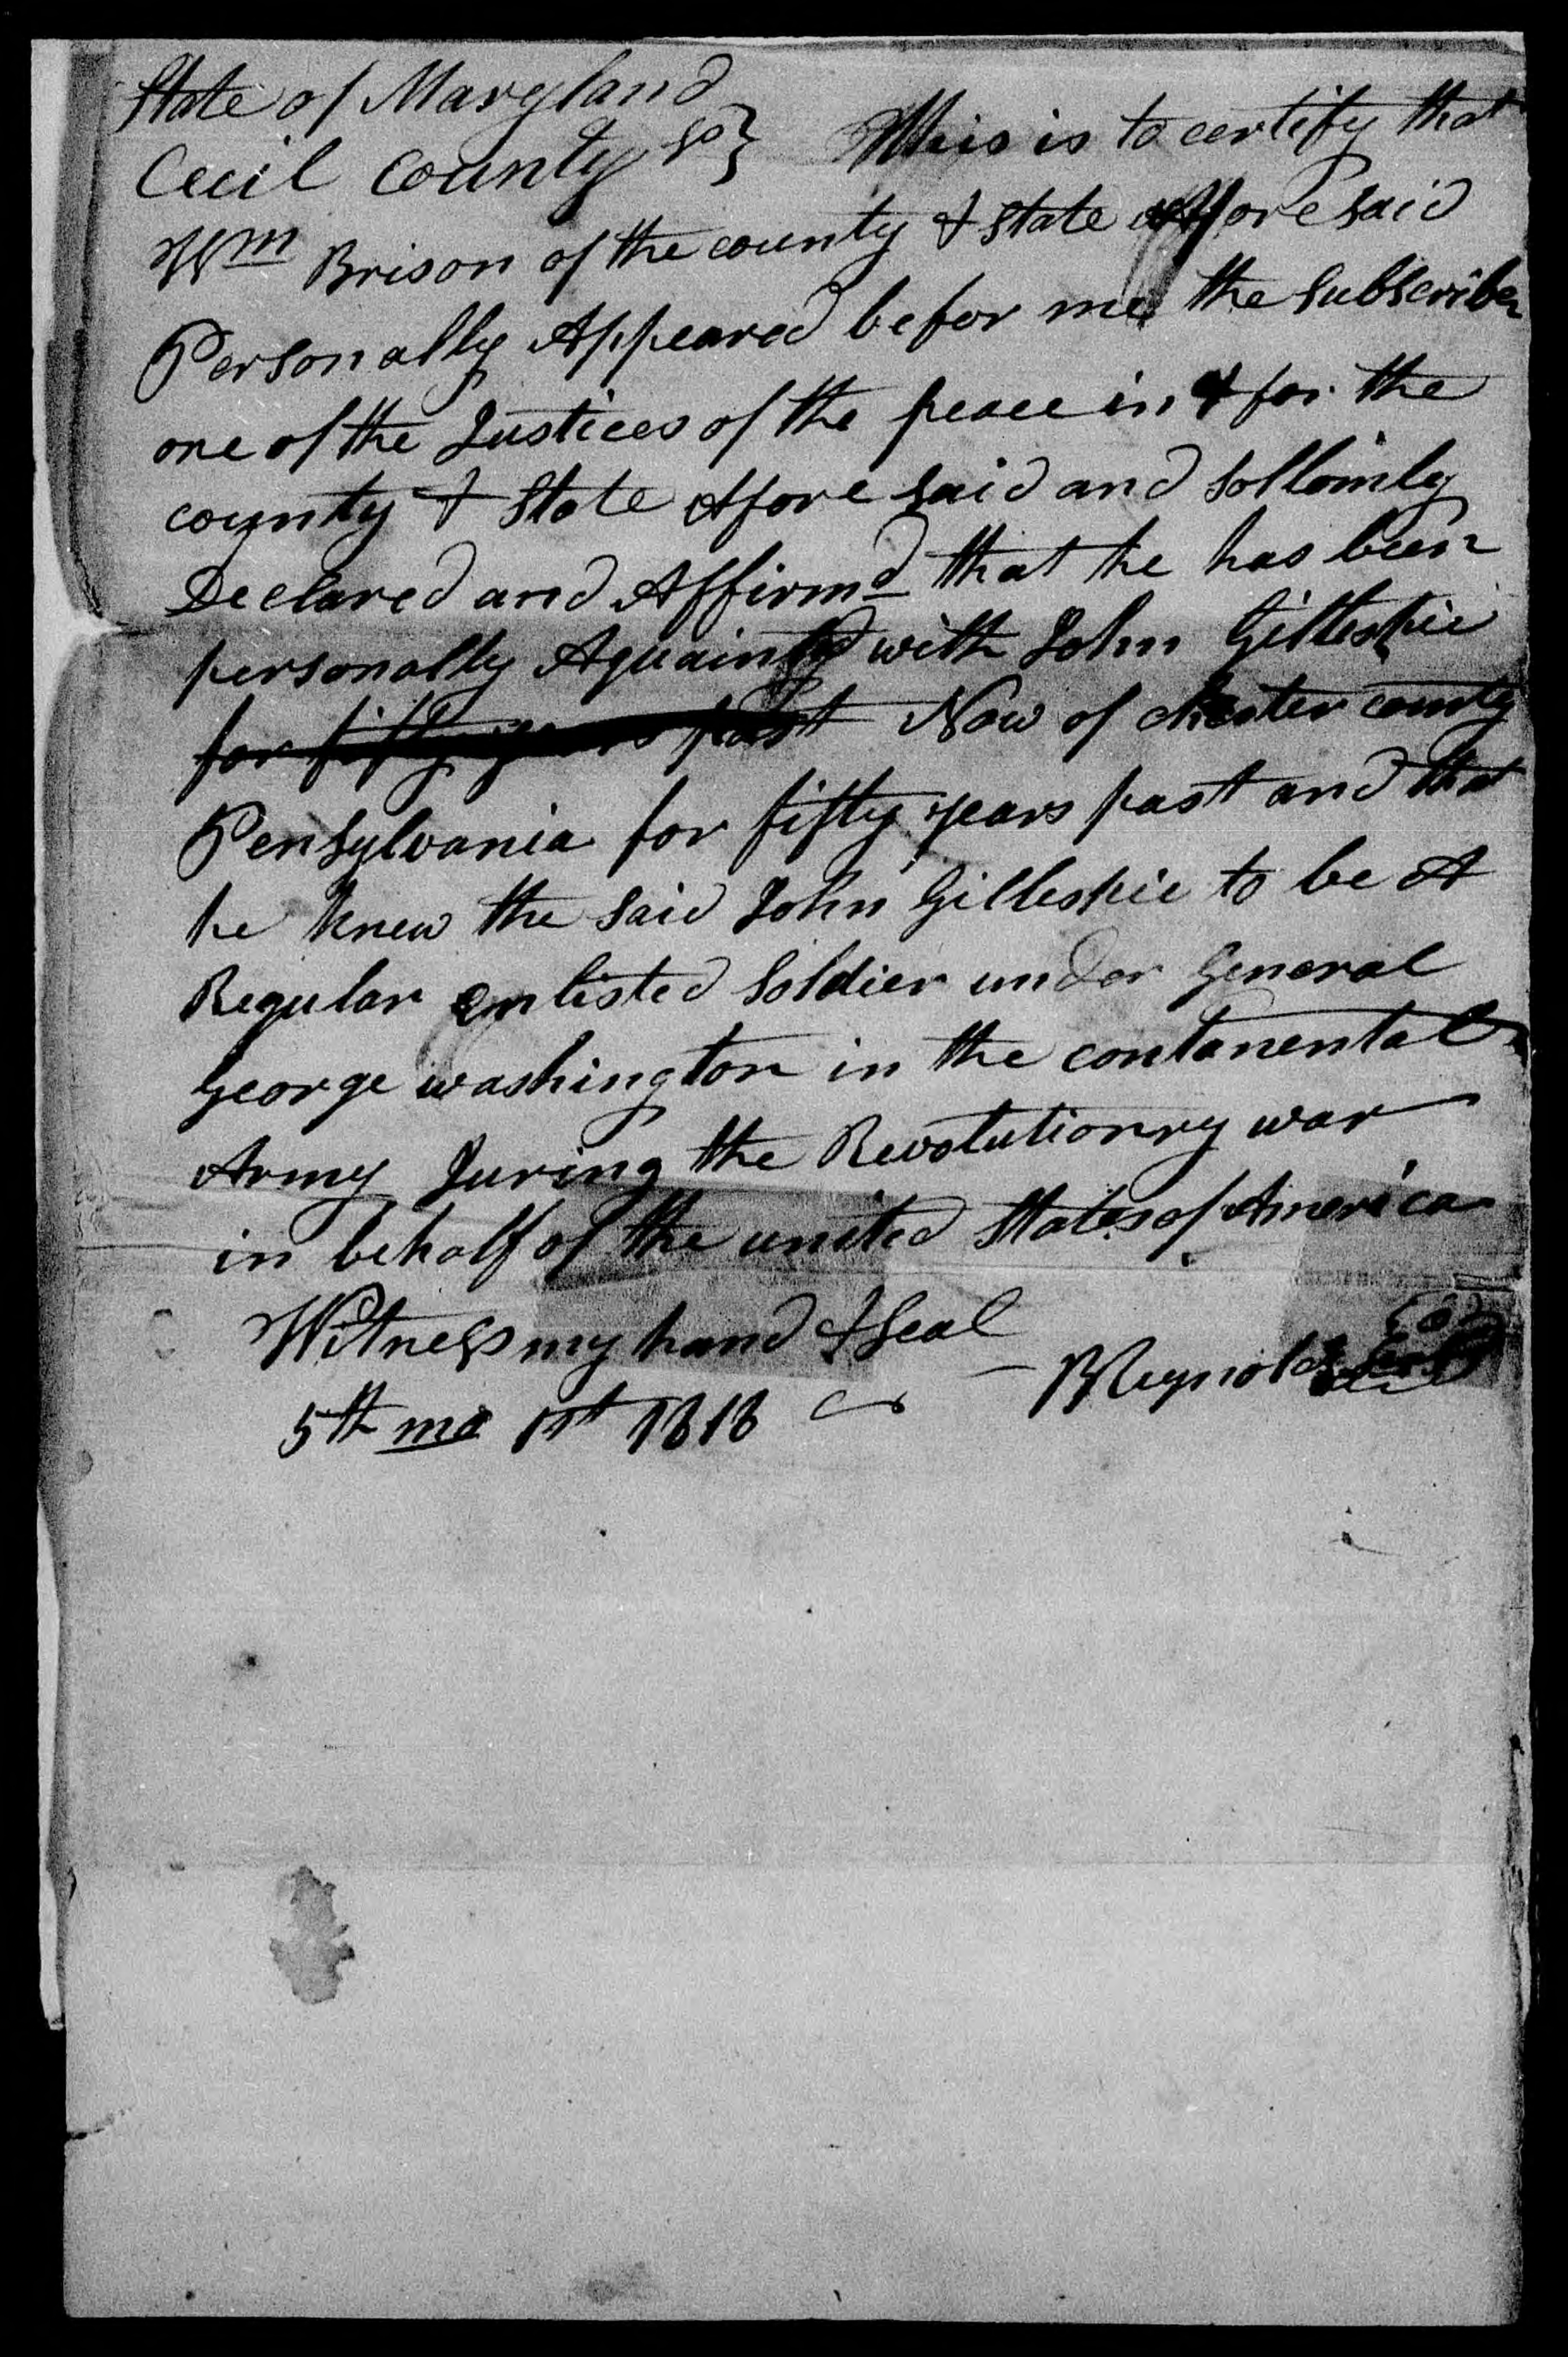State of Maryland
Cecil County SS
This is to certify that Wm Brison of the county & state aforesaid Personally Appeared before me the Subscriber one of the Justices of the peace in , & for the county & State aforesaid and solemnly declared and affirmed that he has been personally Acquainted with John Gillespie. Now of Chester county Pennsylvania for fifty years past and that he knew the said John Gillespie to be a Regular enlisted soldier under General George Washington in the continental Army during the Revolutionary war in behalf of the united States of America.
Witness my hand & seal 
5th mo. 1st 1818
B Reynolds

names: John Gillespie, Wm Brison, B Reynolds, John Gillespie, George Washington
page: 15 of 20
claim: survivor's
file: S. 41581, John Gillespie, Continental Del.